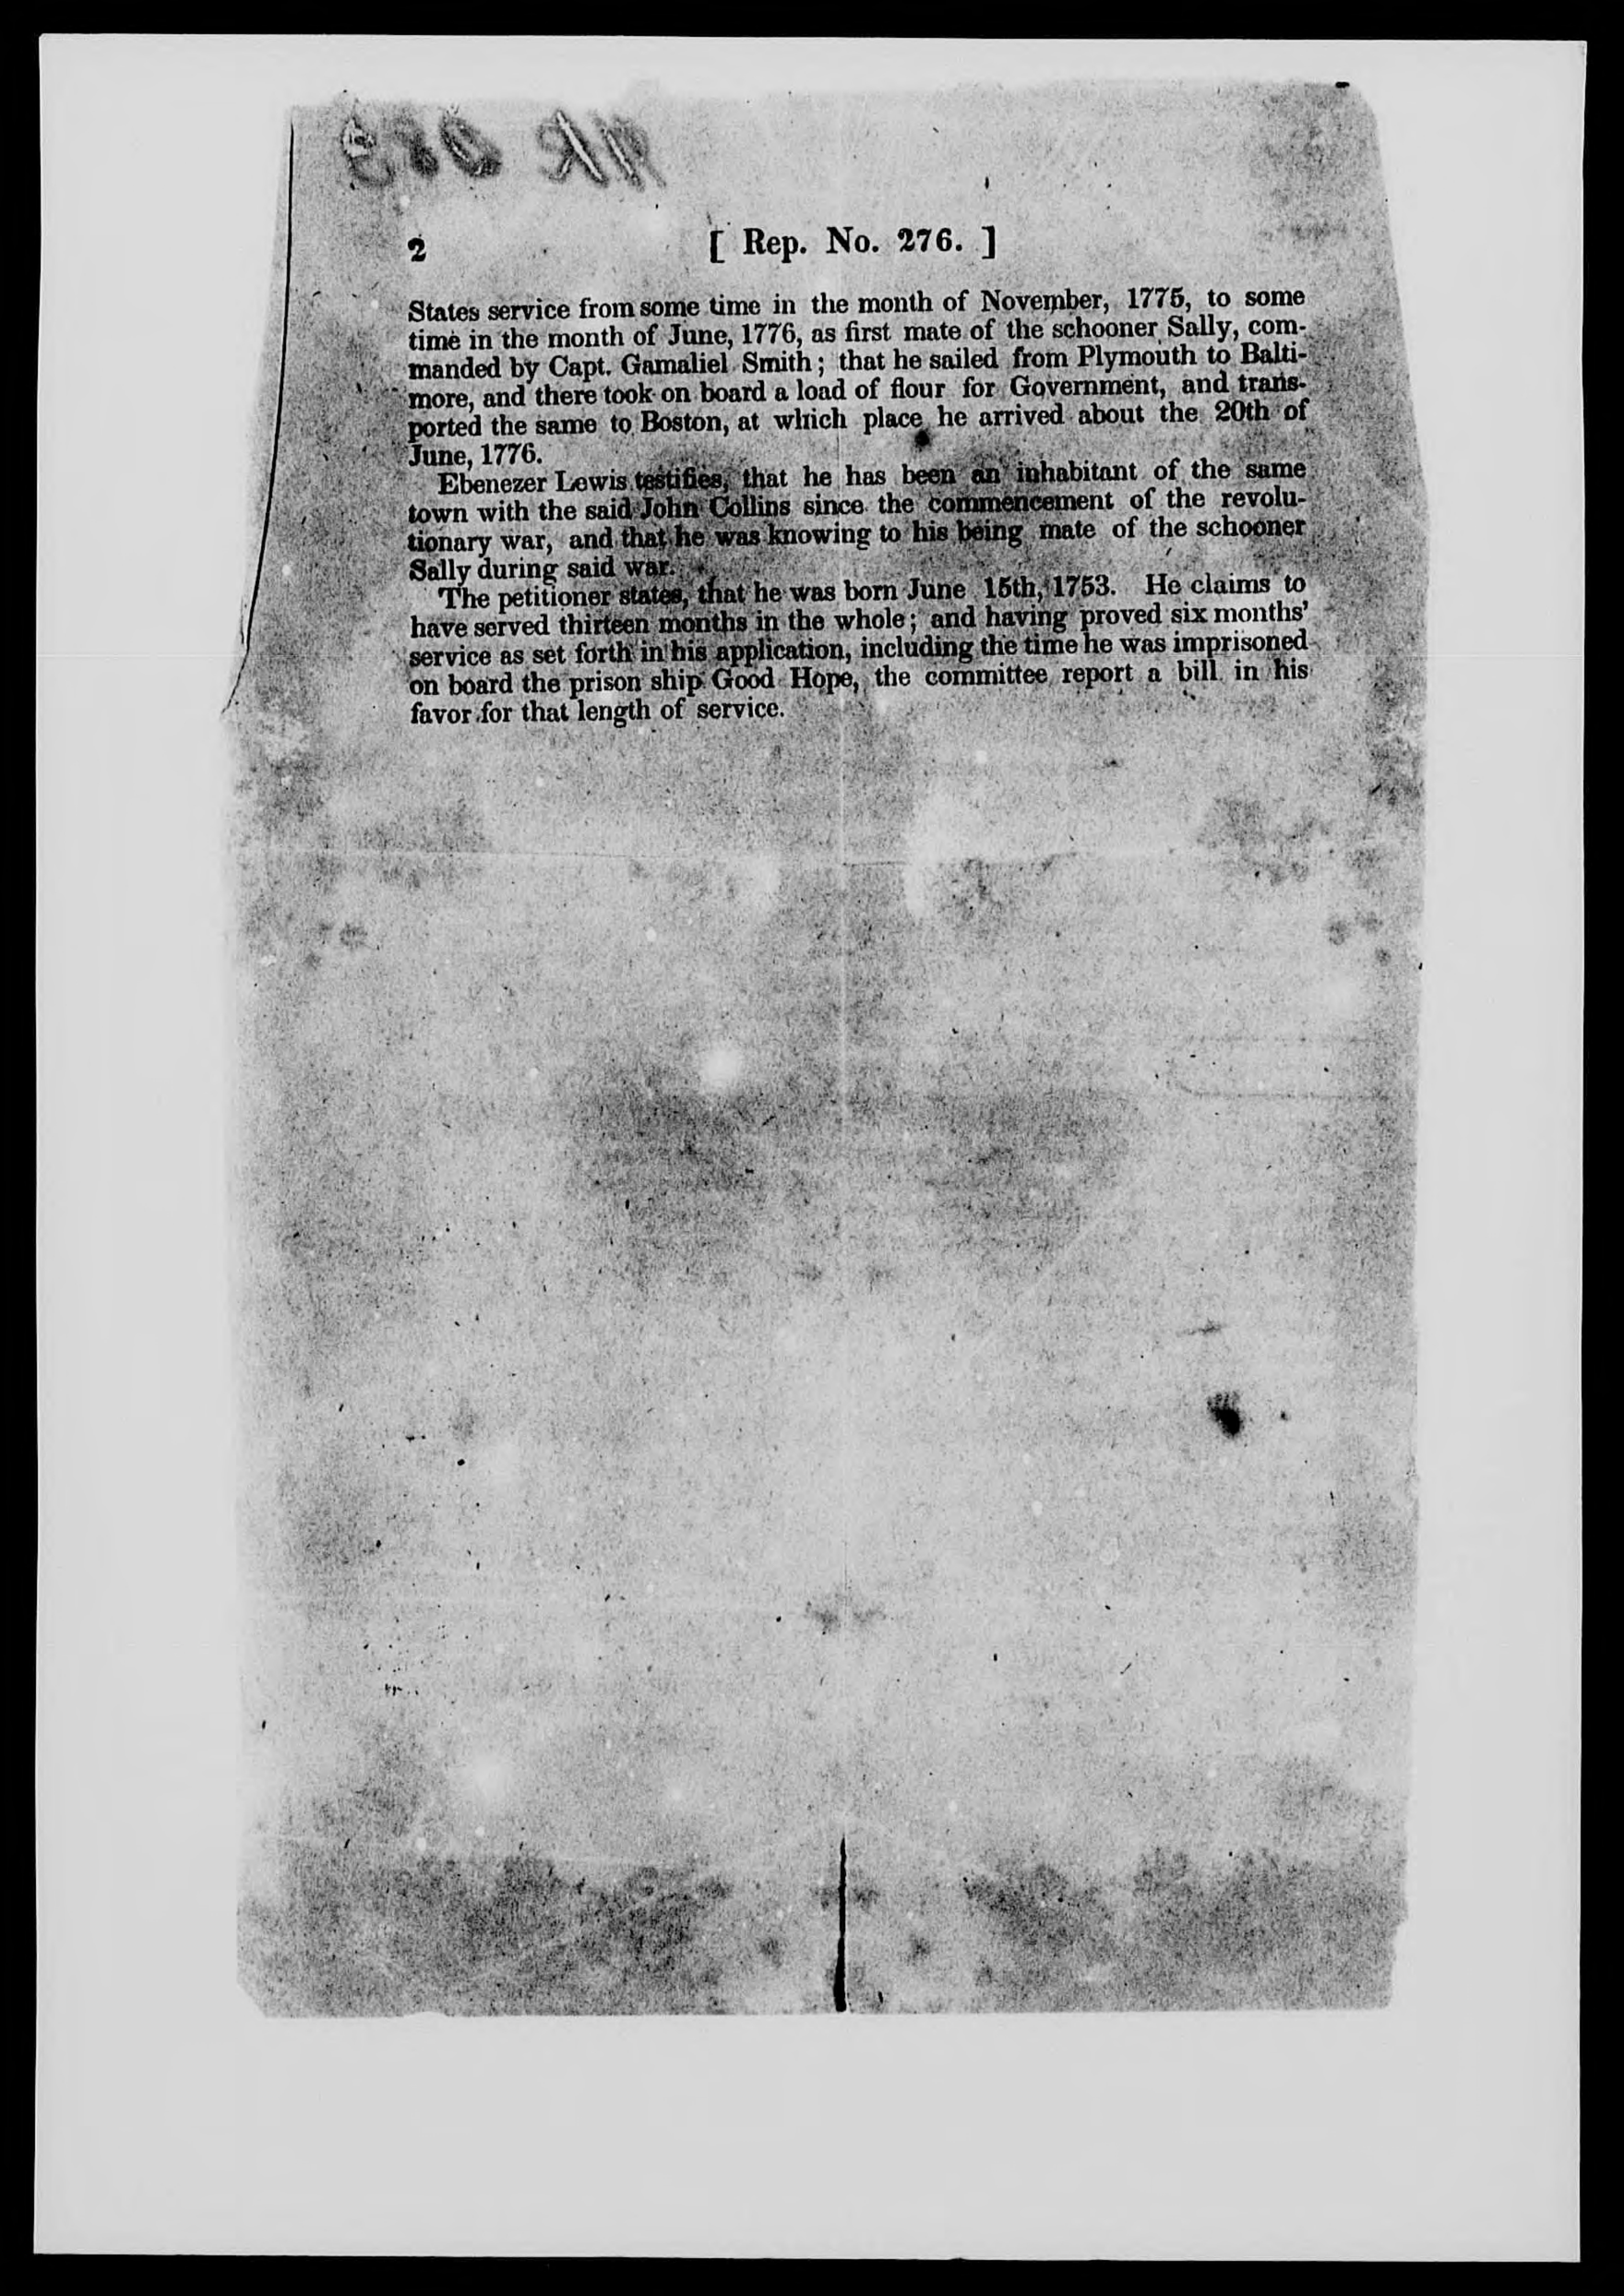[Rep. No. 276.]
States service from some time in the month of November, 1775, to some time in the month of June, 1776, as first mate of the schooner Sally, commanded by Capt. Gamaliel Smith; that he sailed from Plymouth to Baltimore , and there took on board a load of flour for Government, and transported the same to Boston, at which place he arrived about the 20th of June, 1776.

Ebenezer Lewis said that he has been an inhabitant of the same town with the said John Collins since the commencement of the revolutionary war, and that he was knowing to his being mate of the schooner Sally during the war. 

The petitioner states that he was born June 15th, 1753. He claims to have served thirteen months in the whole; and having proved six months' service as set forth in this application, including the time he was imprisoned on board the prison ship Good Hope, the committee report a bill in his June, 1776. favor for that length of service.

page: 37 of 43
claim: survivor's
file: S. 29,732, John Collins, Mass. Navy